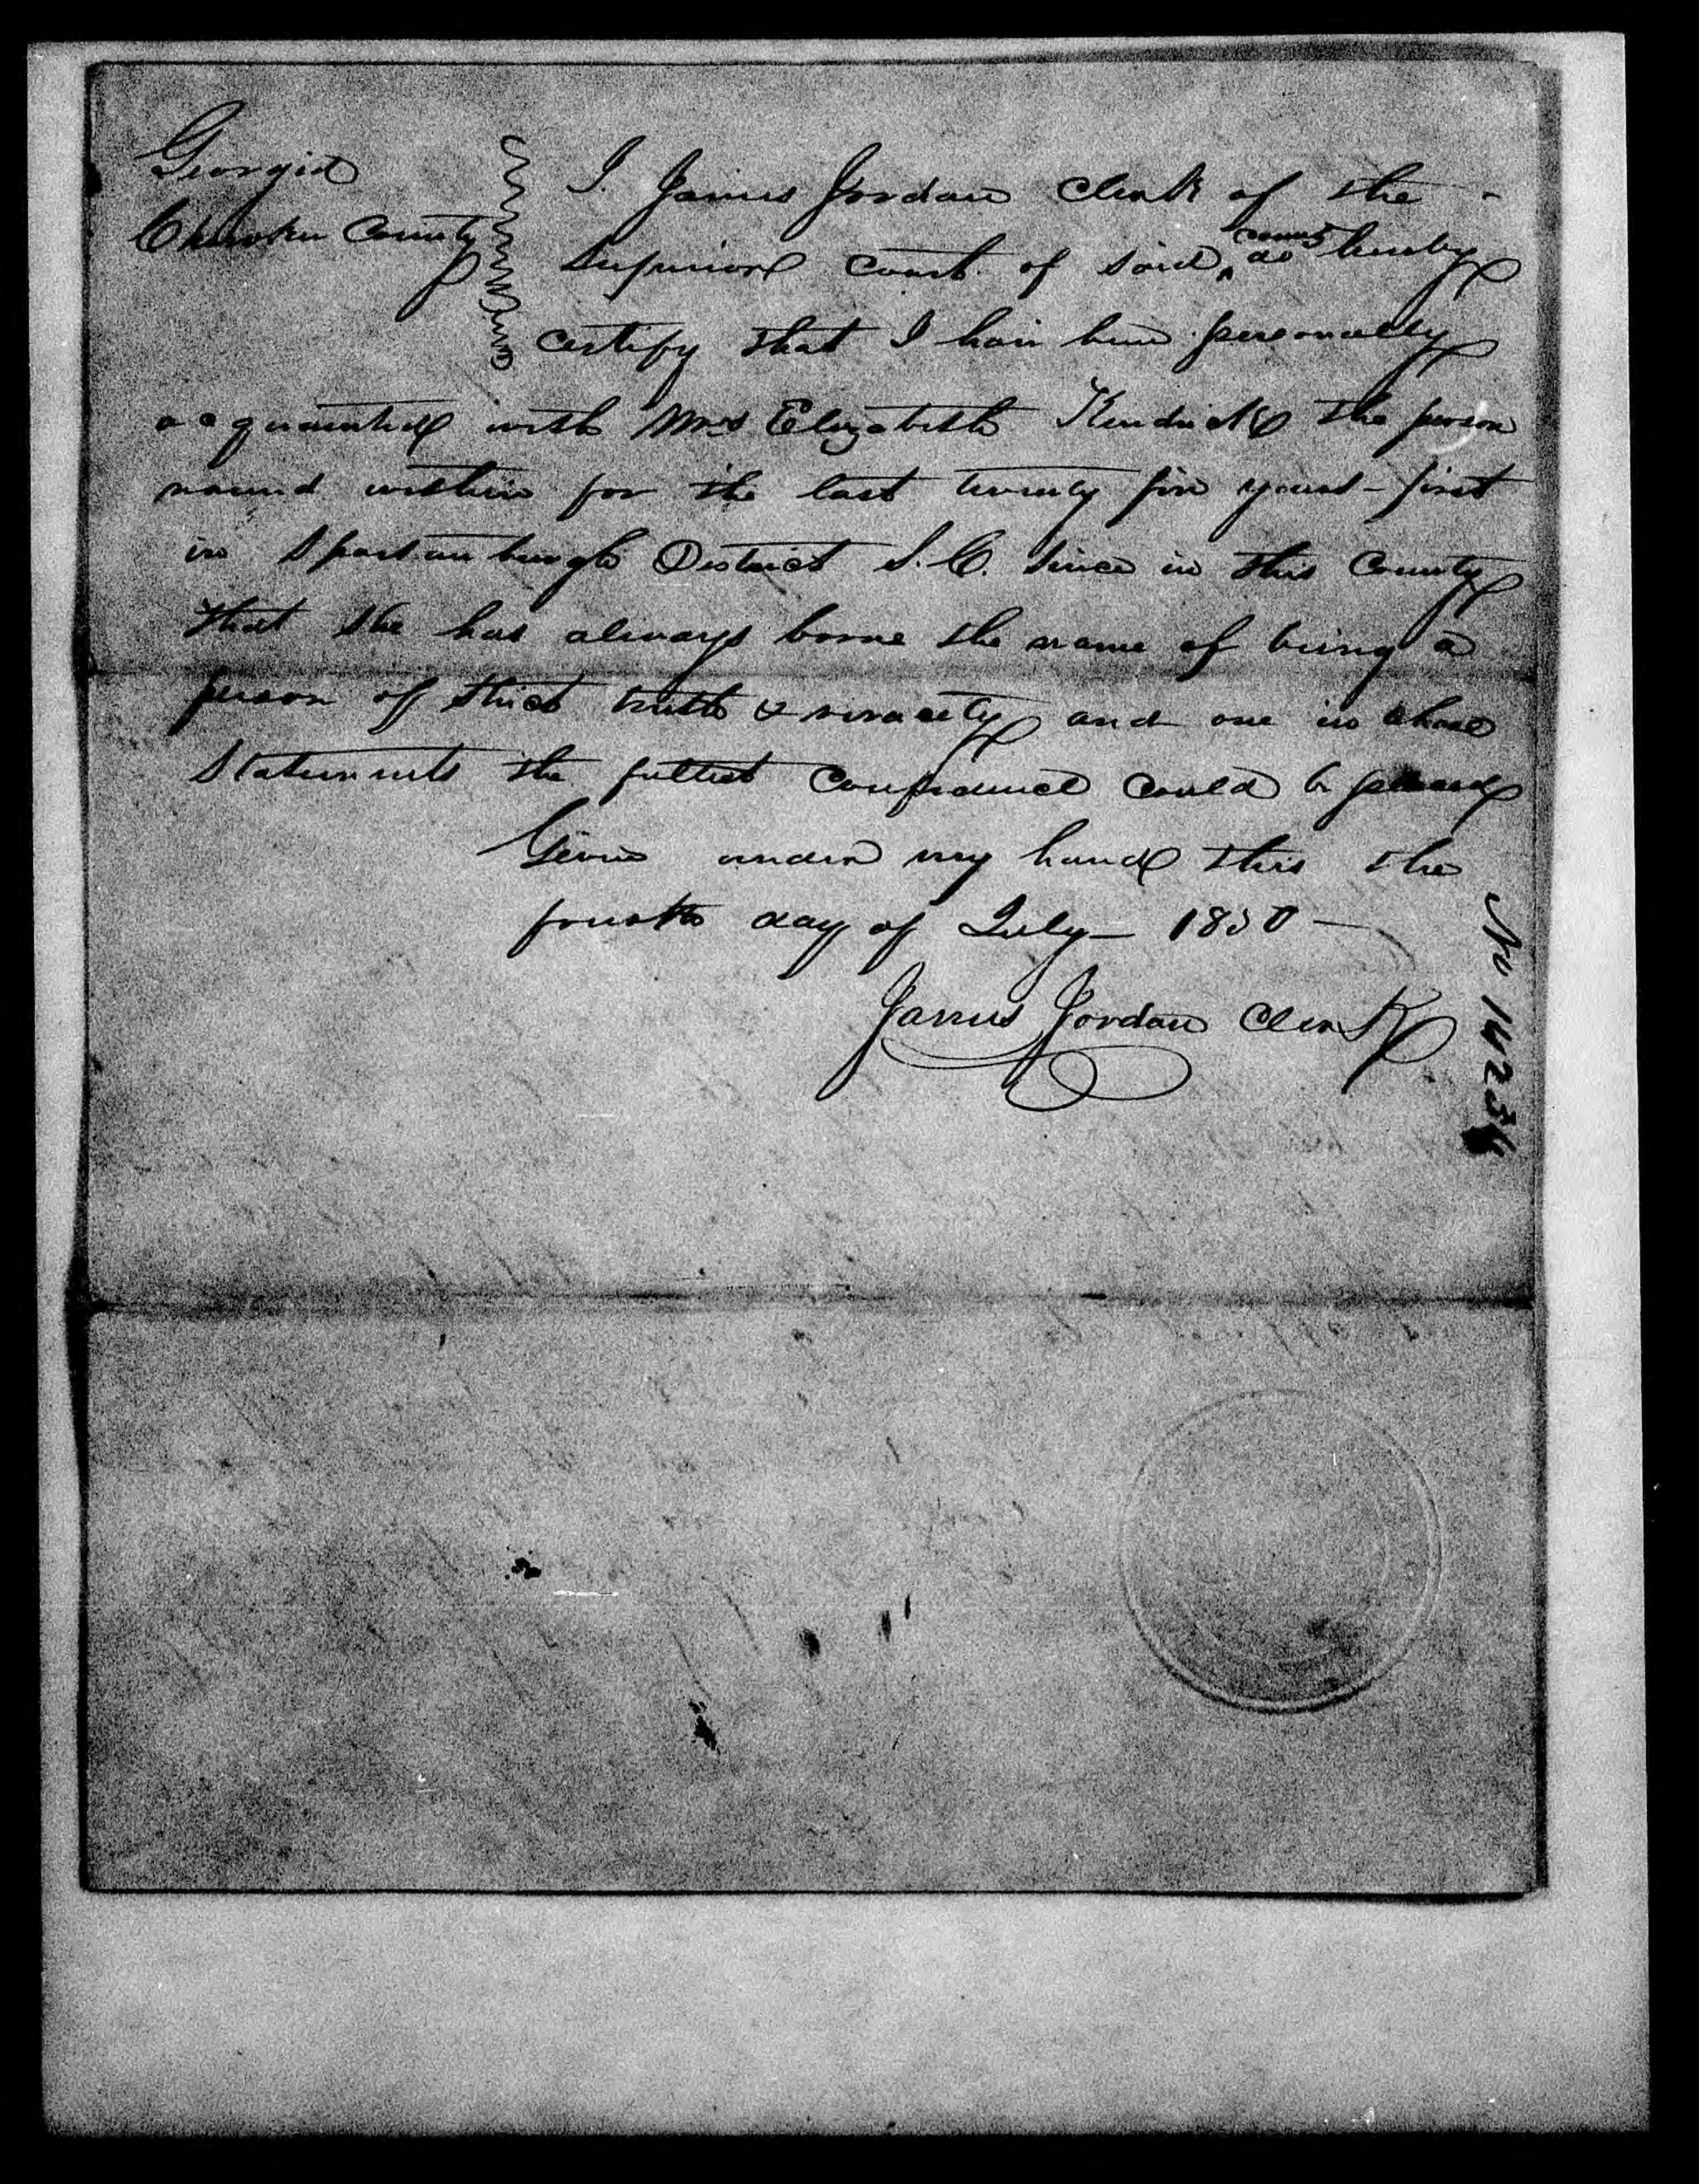Georgia
Cherokee County

I James Jordan Clerk of the 
Superior Court of said County do hereby
certify that I have been personally
acquainted with Mrs. Elizabeth Kendrick the person 
named within for the last twenty five years - first
in Spartanburgh District S.C. since in this County
That she has always borne the name of being a 
person of strict truth & veracity and one in whose 
Statements the fullest confidence could be issued
Given under my hand this the
fourth day of July 1850 -

James Jordan Clerk

[seal]

[written vertically on the right margin]
No 14234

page: 5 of 29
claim: rejected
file: R. 5862, for Isham Kendrick, North Carolina